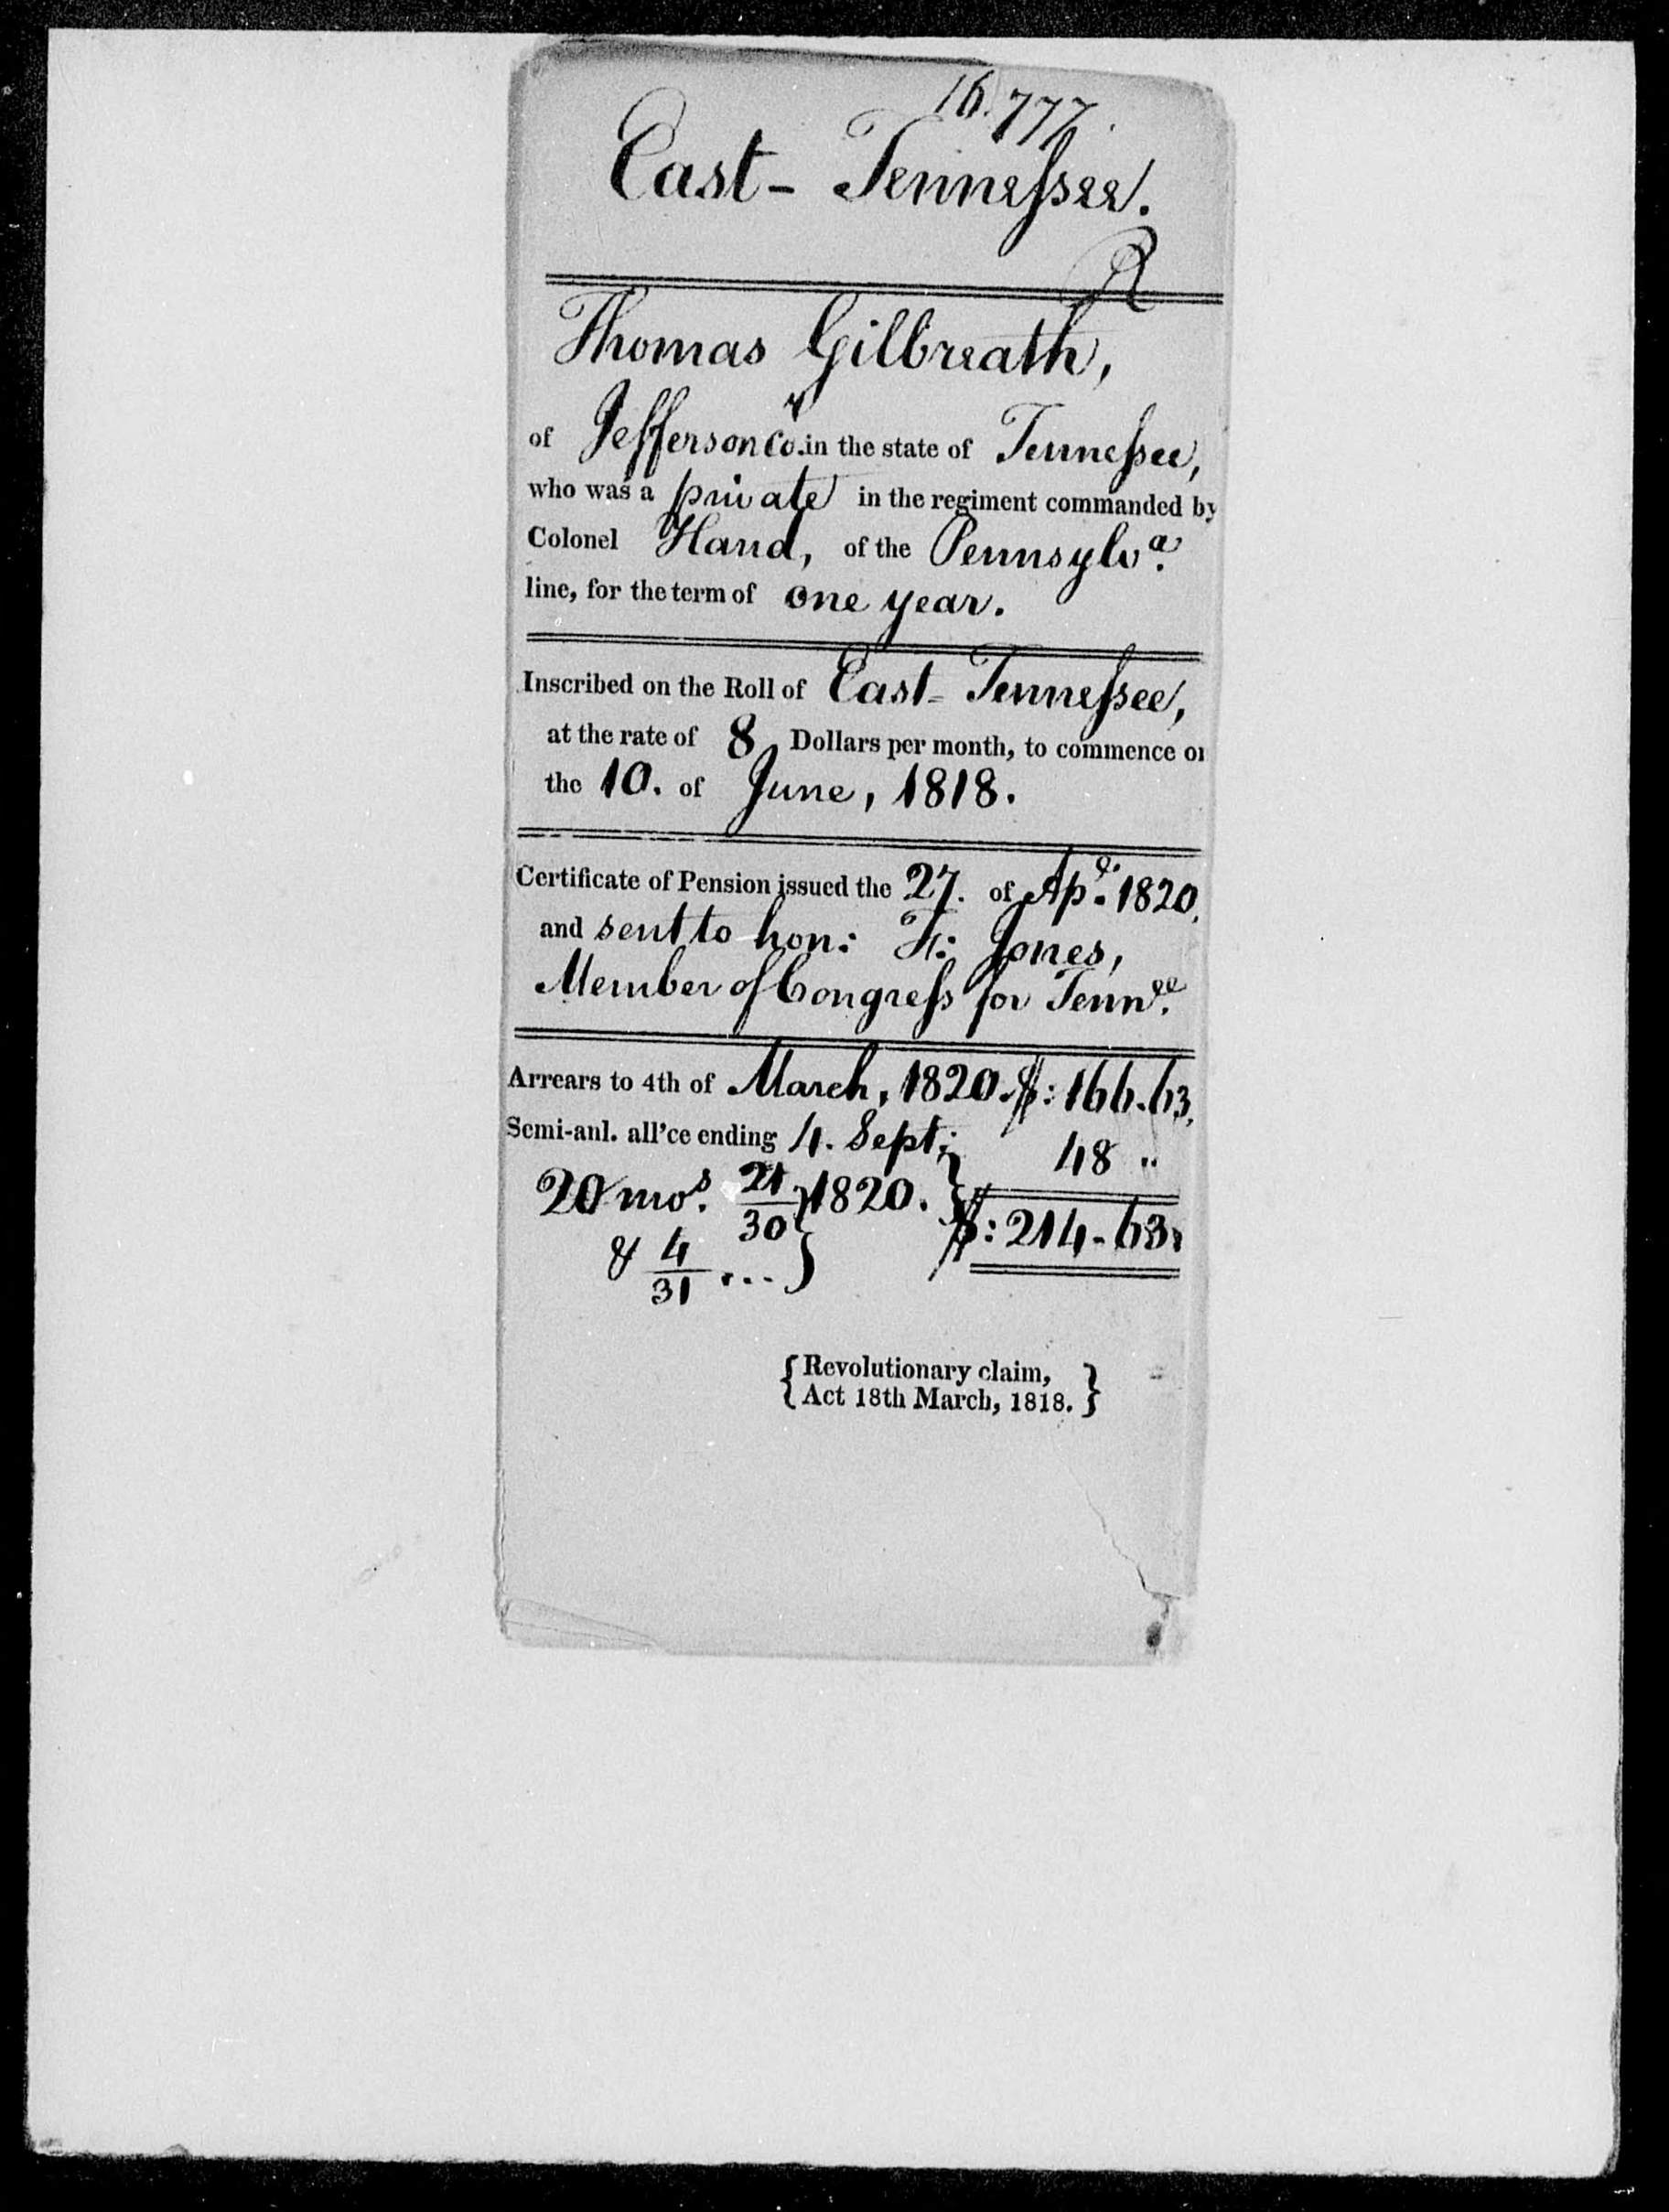161777
East -Tennessee
R
---
Thomas Gilbreath
of Jefferson Co in the State of Tennessee,
who was a private in the regiment commanded by Colonel Hand, of the Pennsylvania line, for the term of one year.
---
Inscribed on the Roll of East Tennessee,
at the rate of 8 Dollars per month, to commence on the 10 of June, 1818.
---
Certificate of Pension issued the 27. of Apr 1820 and sent to hon: F: Jones Member of Congress for Tenn.
---
Arrears to 4th of March 1820 $166.63
Semi-anl. all'ce ending 4. Sept. 1820 48"
$214.63

20 mos 21/30}
& 4/31...}

{Revolutionary claim,}
{Act 18th March, 1818.}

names: Thomas Gilbreath, Hand, F Jones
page: 14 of 24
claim: survivor's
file: S. 38727, Thomas Gilbreath, Penn.